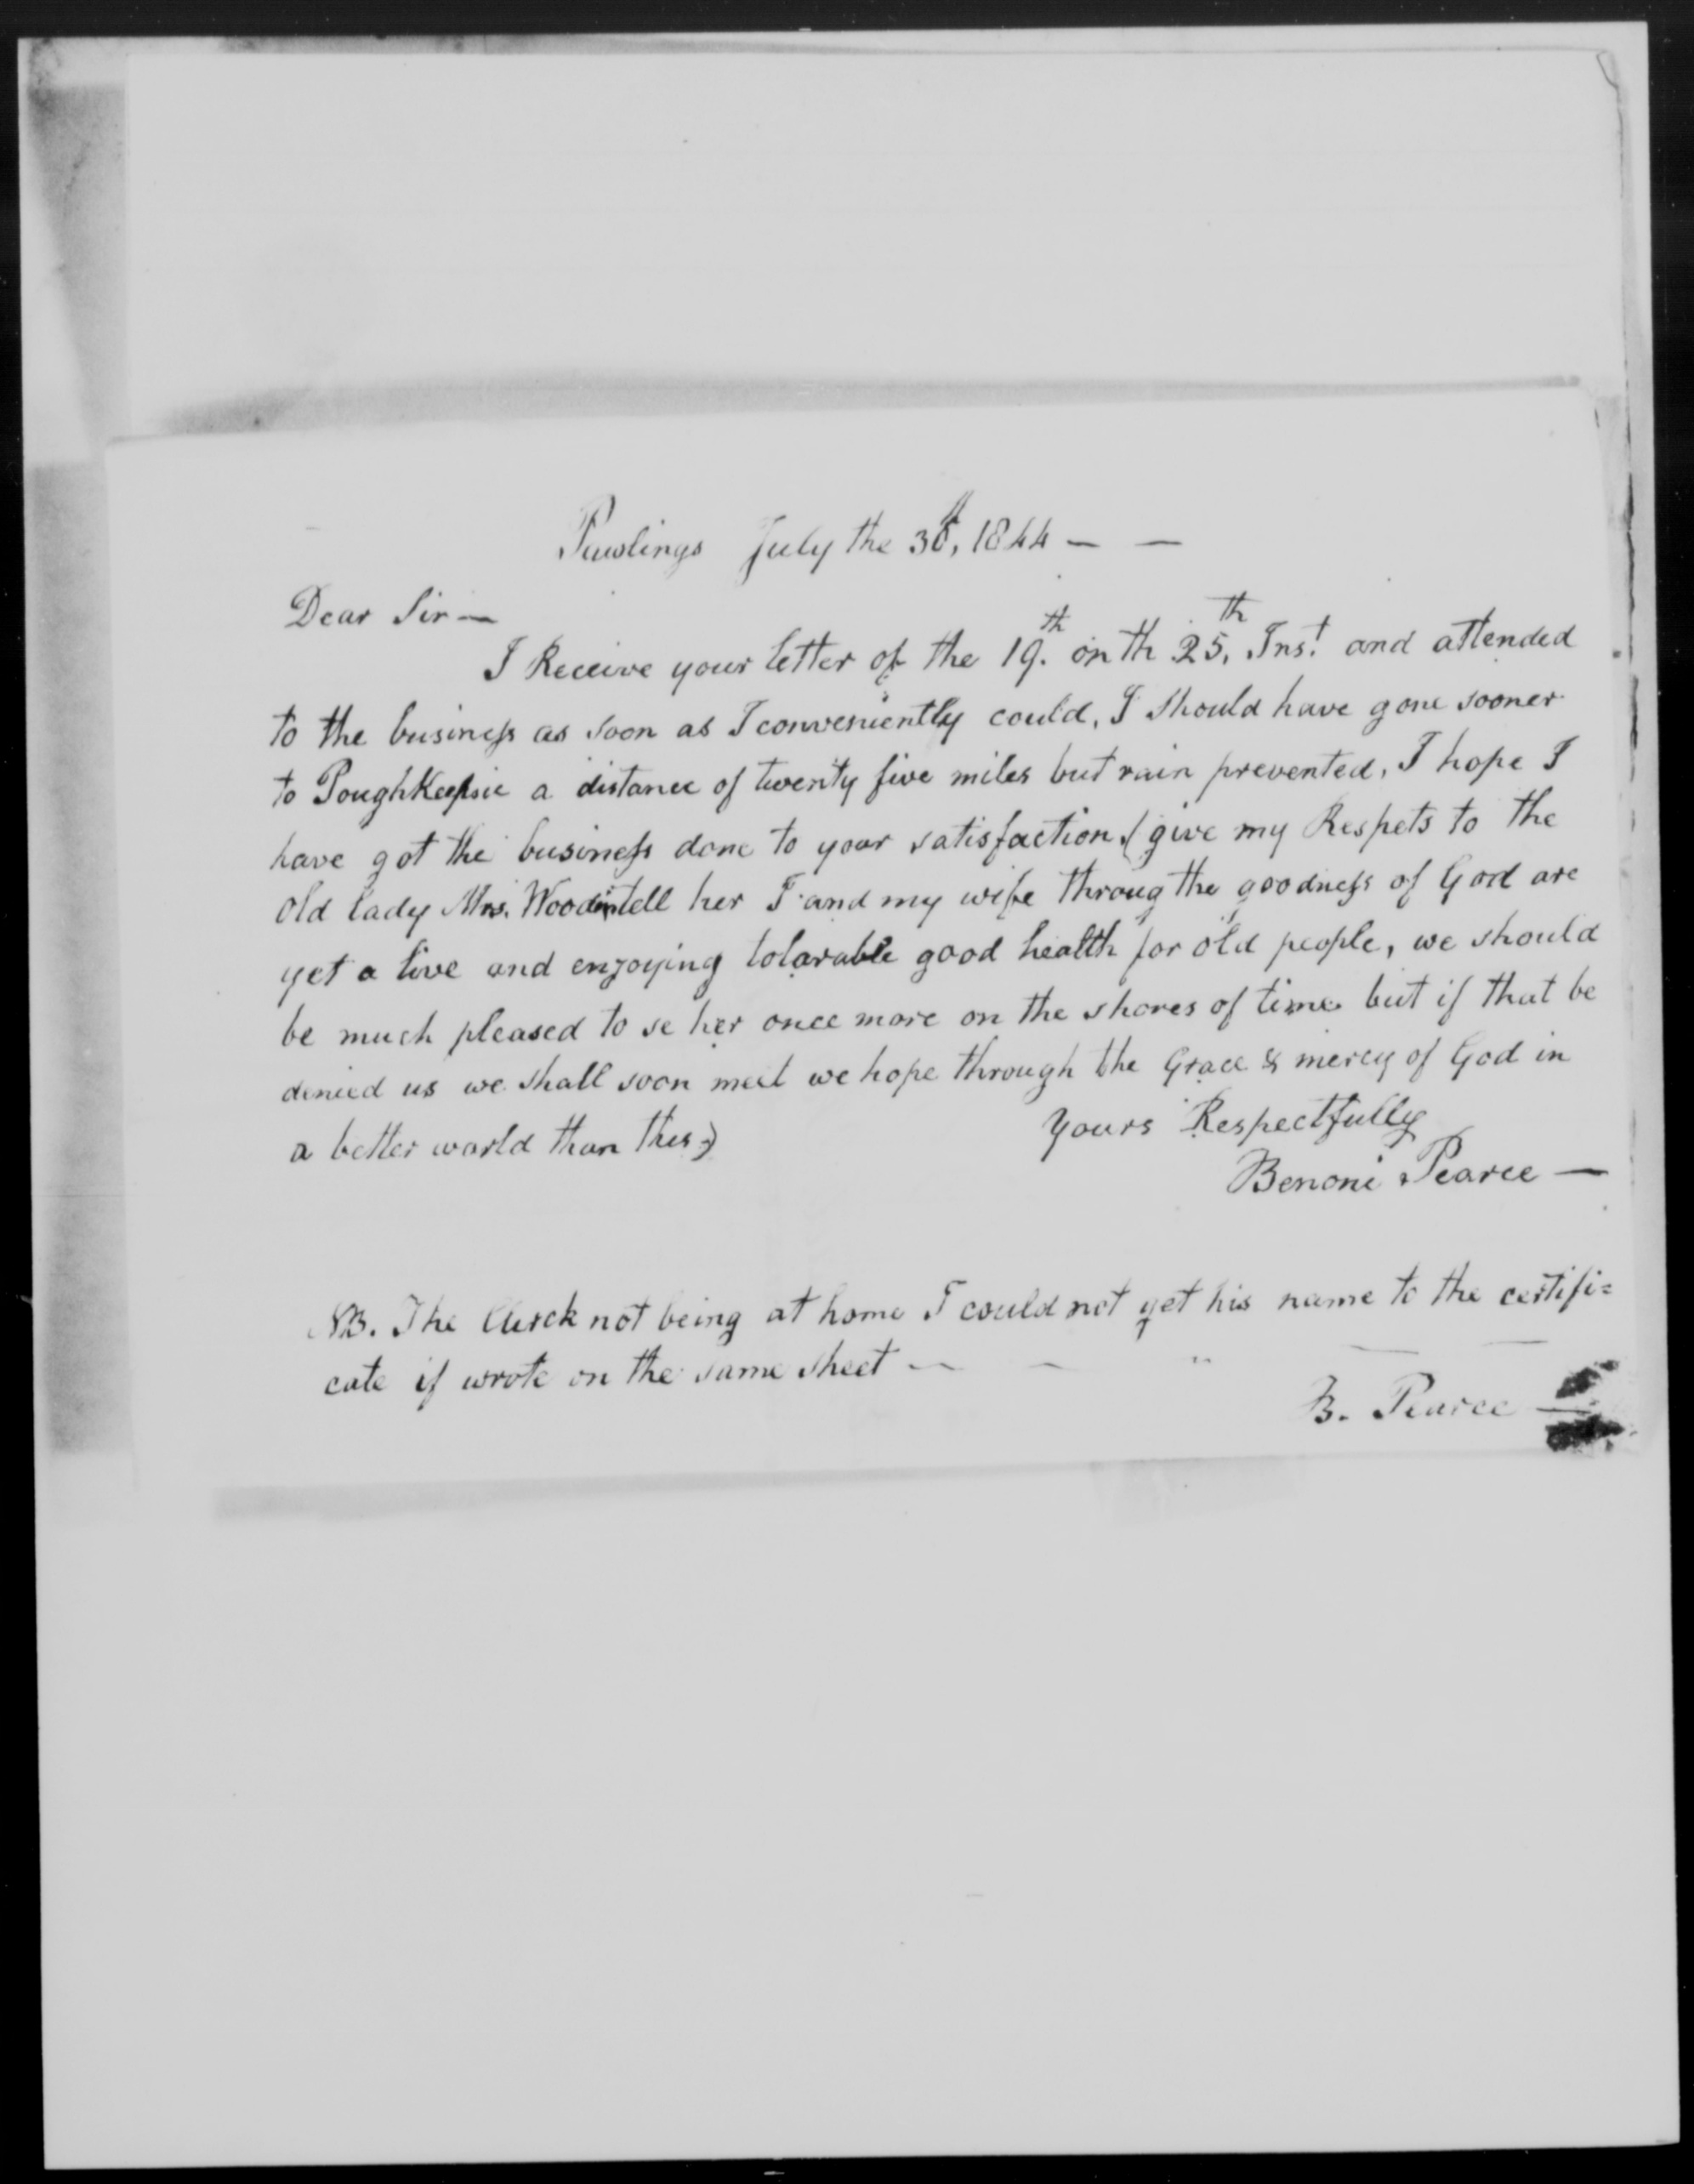Pawlings July the 30, 1844—
Dear Sir- 
I receive your letter of the 19th on the 25th Inst and attended to the business as soon as I conveniently could, I should have gone sooner to Poughkeepsie a distance of twenty five miles but rain prevented, I hope I have got the business done to your satisfaction. (give my respects to the old lady Mrs. Woodin tell her I and my wife throug the goodness of God are yet alive and enjoying tolerable good health for old people, we should be much pleased to see her once more on the shores of time but if that be denied us we shall soon meet we hope through the Grace & mercy of God in a better world than this.)
Yours Respectfully 
Benoni Pearce-  
PS The Clerk not being at home I could not get his name to the certificate if wrote on the same sheet—
B. Pearce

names: Benoni Pearce, Woodin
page: 25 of 77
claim: widow's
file: W. 19658, John Woodin, New York